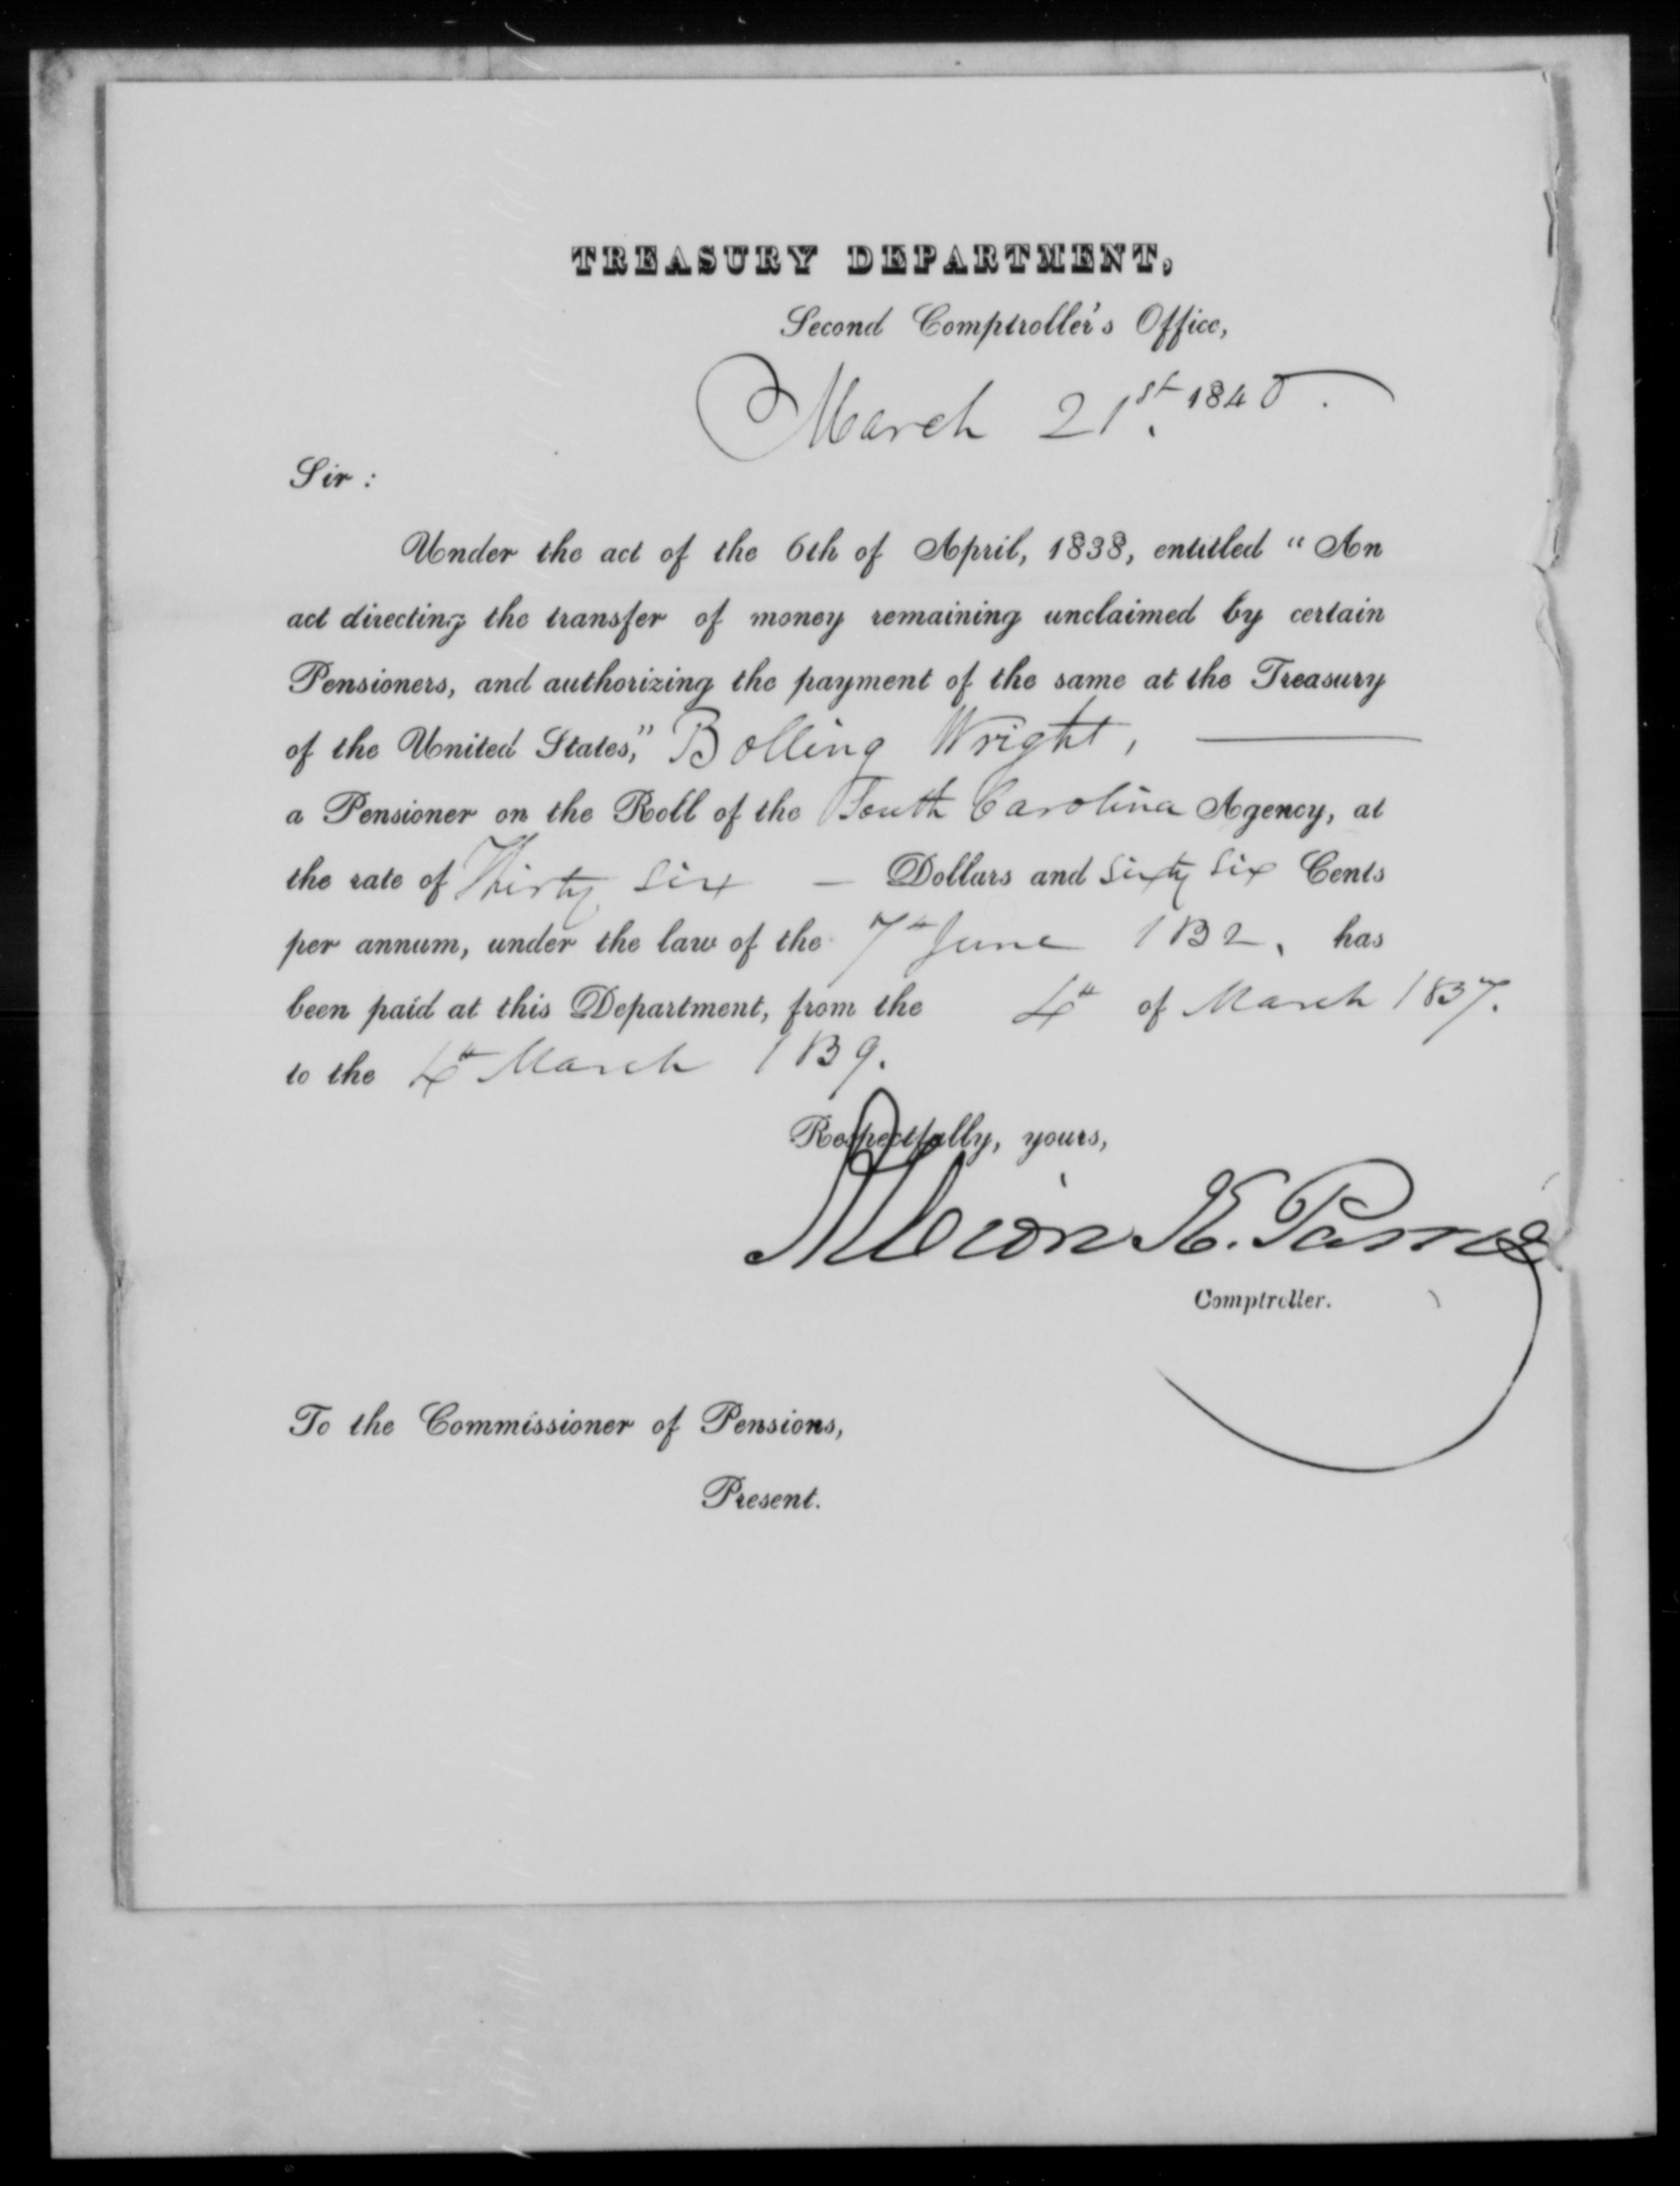Treasury Department,
Second Comptroller's Office
March 21, 1840
Sir:
Under the act of the 6th of April, 1838, entitled "An act directing the transfer of money remaining unclaimed by certain Pensioners and authorizing the payment of the same at the Treasury of the United States", Bolling Wright, a Pensioner on the Roll of the South Carolina Agency, at the rate of Thirty Six Dollars and Sixty Six Cents per annum, under the law of the 7th June 1832, has been paid at this Department, from the 4th of March 1837 to the 4th March 1839.
Respectfully, yours,
Albion K. Parris
Comptroller
To the Commissioner of Pensions,
Present.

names: Bolling Wright, Albion K Parris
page: 54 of 81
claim: widow's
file: W. 5183, Bolling Wright, Va.